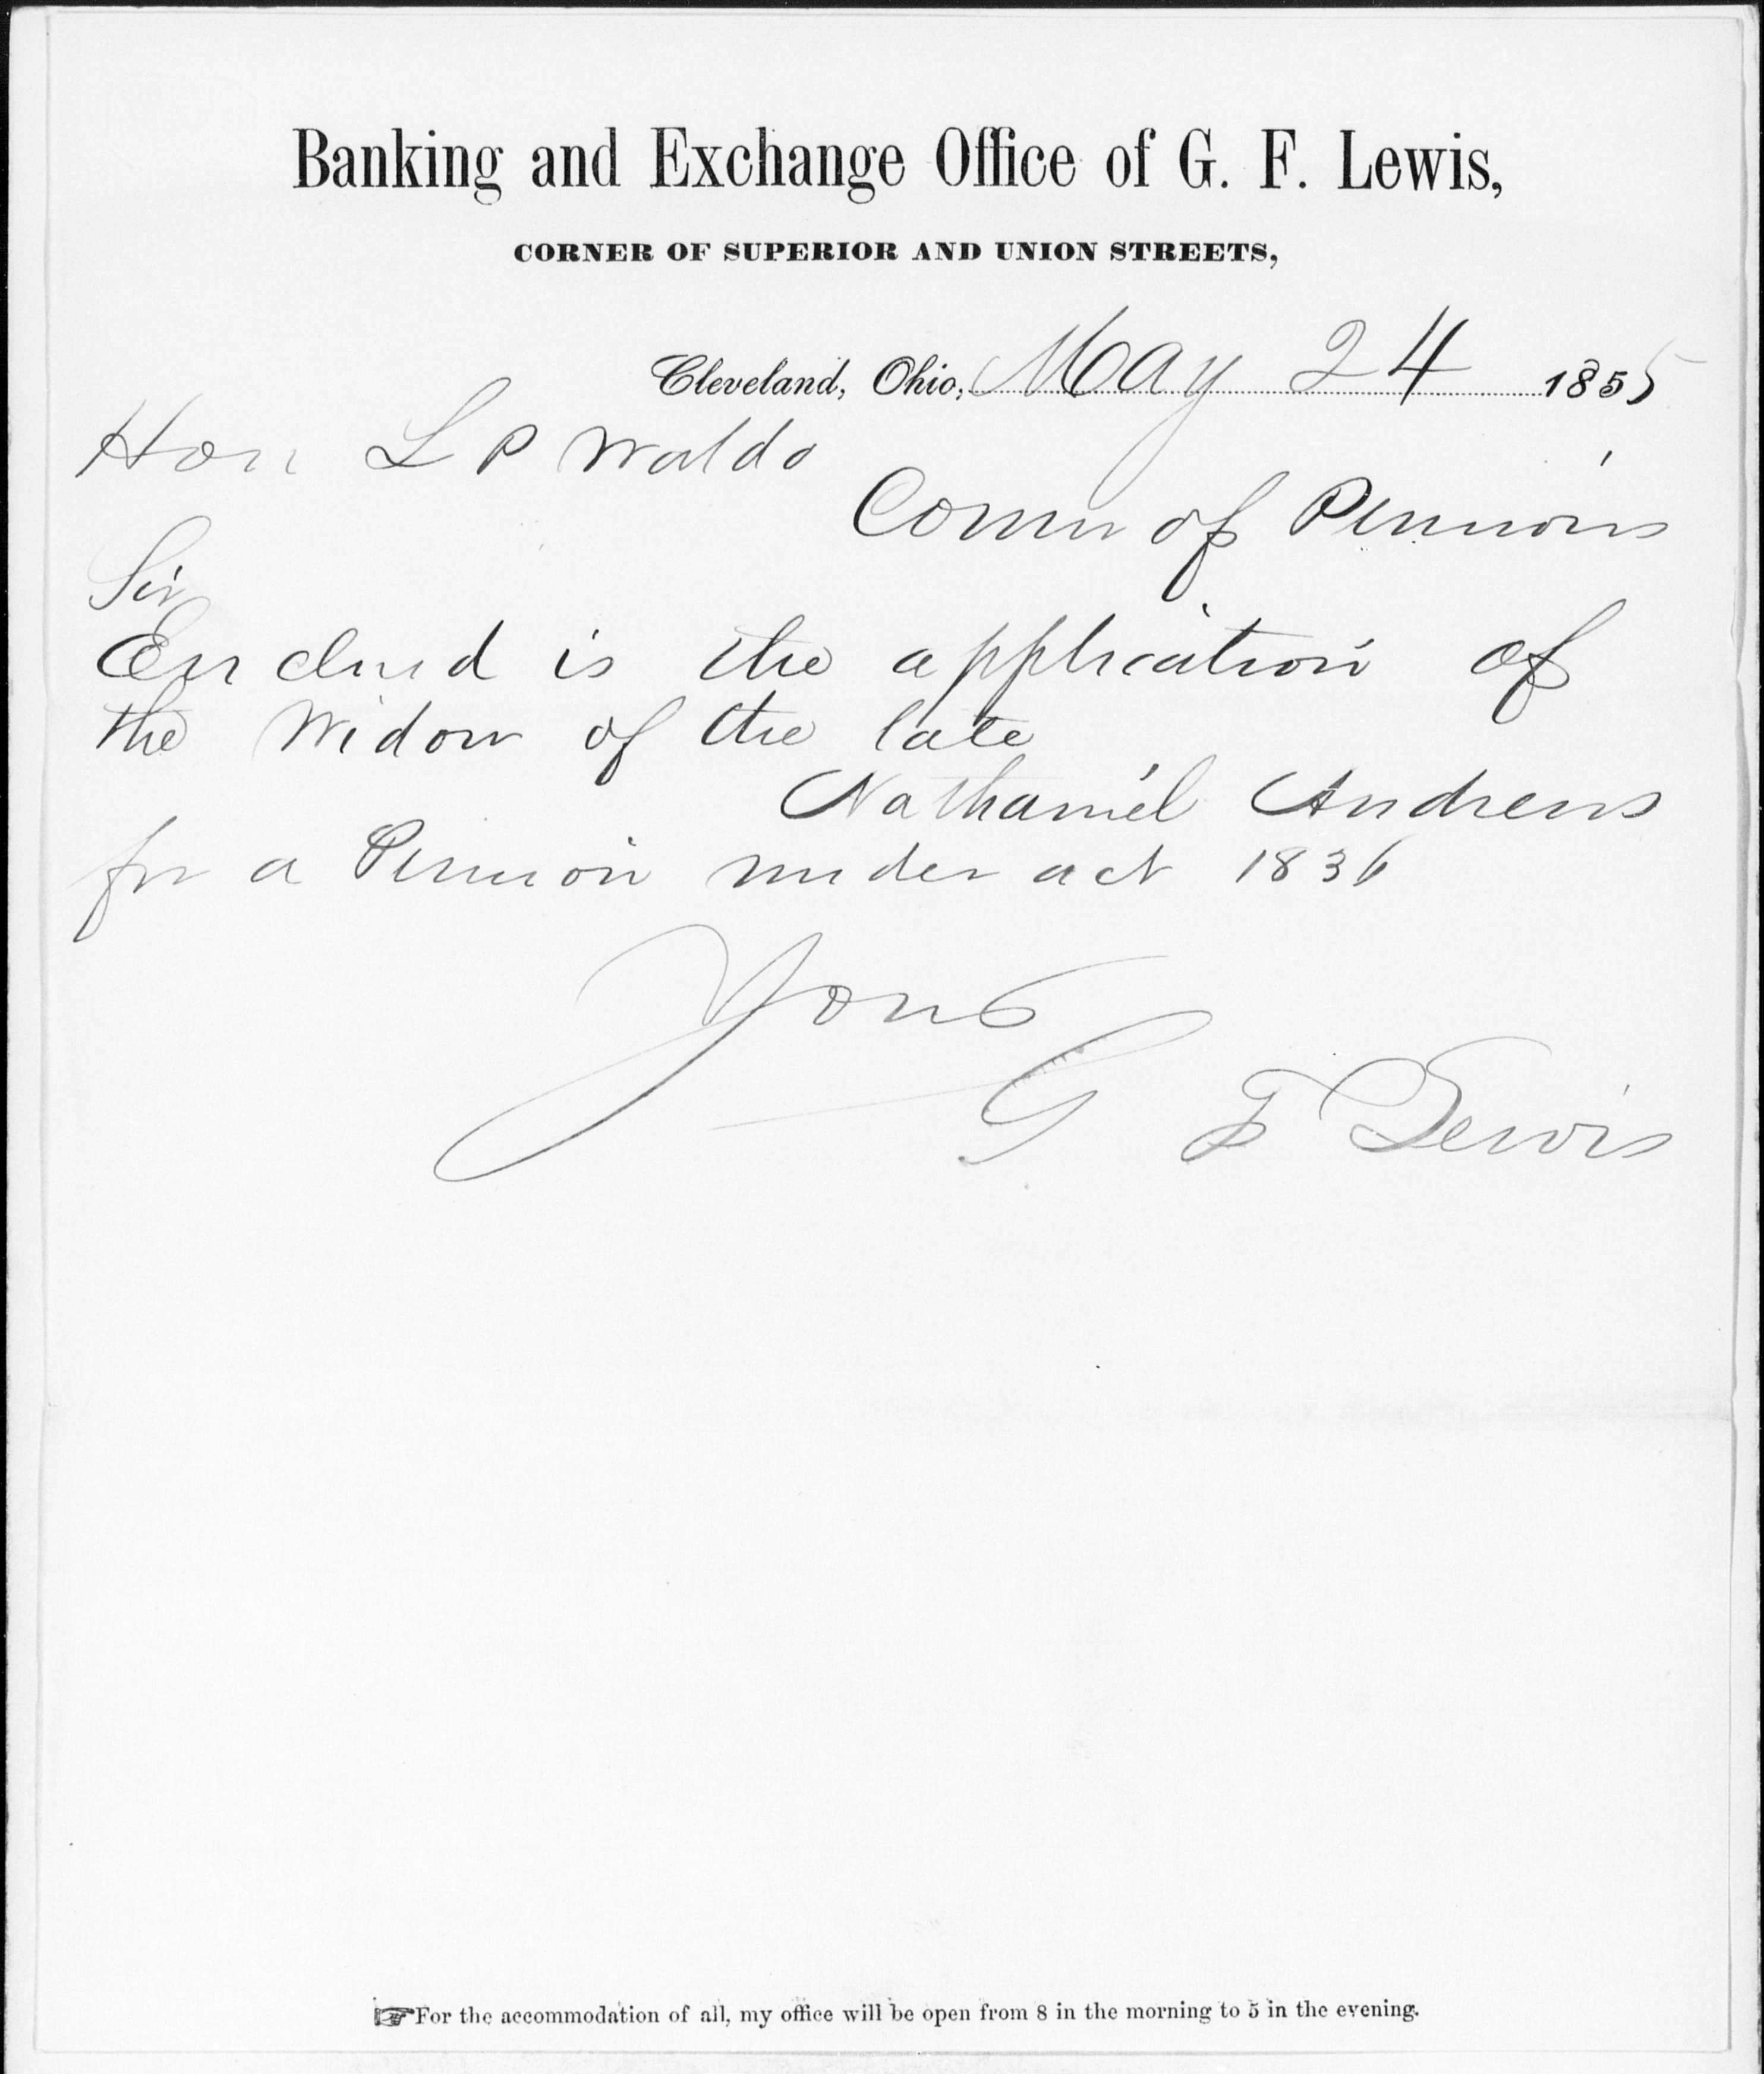Banking and Exchange Office of G. F. Lewis,
CORNER OF SUPERIOR AND UNION STREETS
Cleveland, Ohio, 
May 24 1855
Hon L P Waldo
Comn of Pensions
Sir
Enclosed is the application of
the Widow of the late
Nathaniel Andrews
for a Pension under act 1836
Yours
G F Lewis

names: Nathaniel Andrews, G F Lewis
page: 40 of 78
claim: widow's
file: W. 4117, Nathaniel Bradley, Conn.